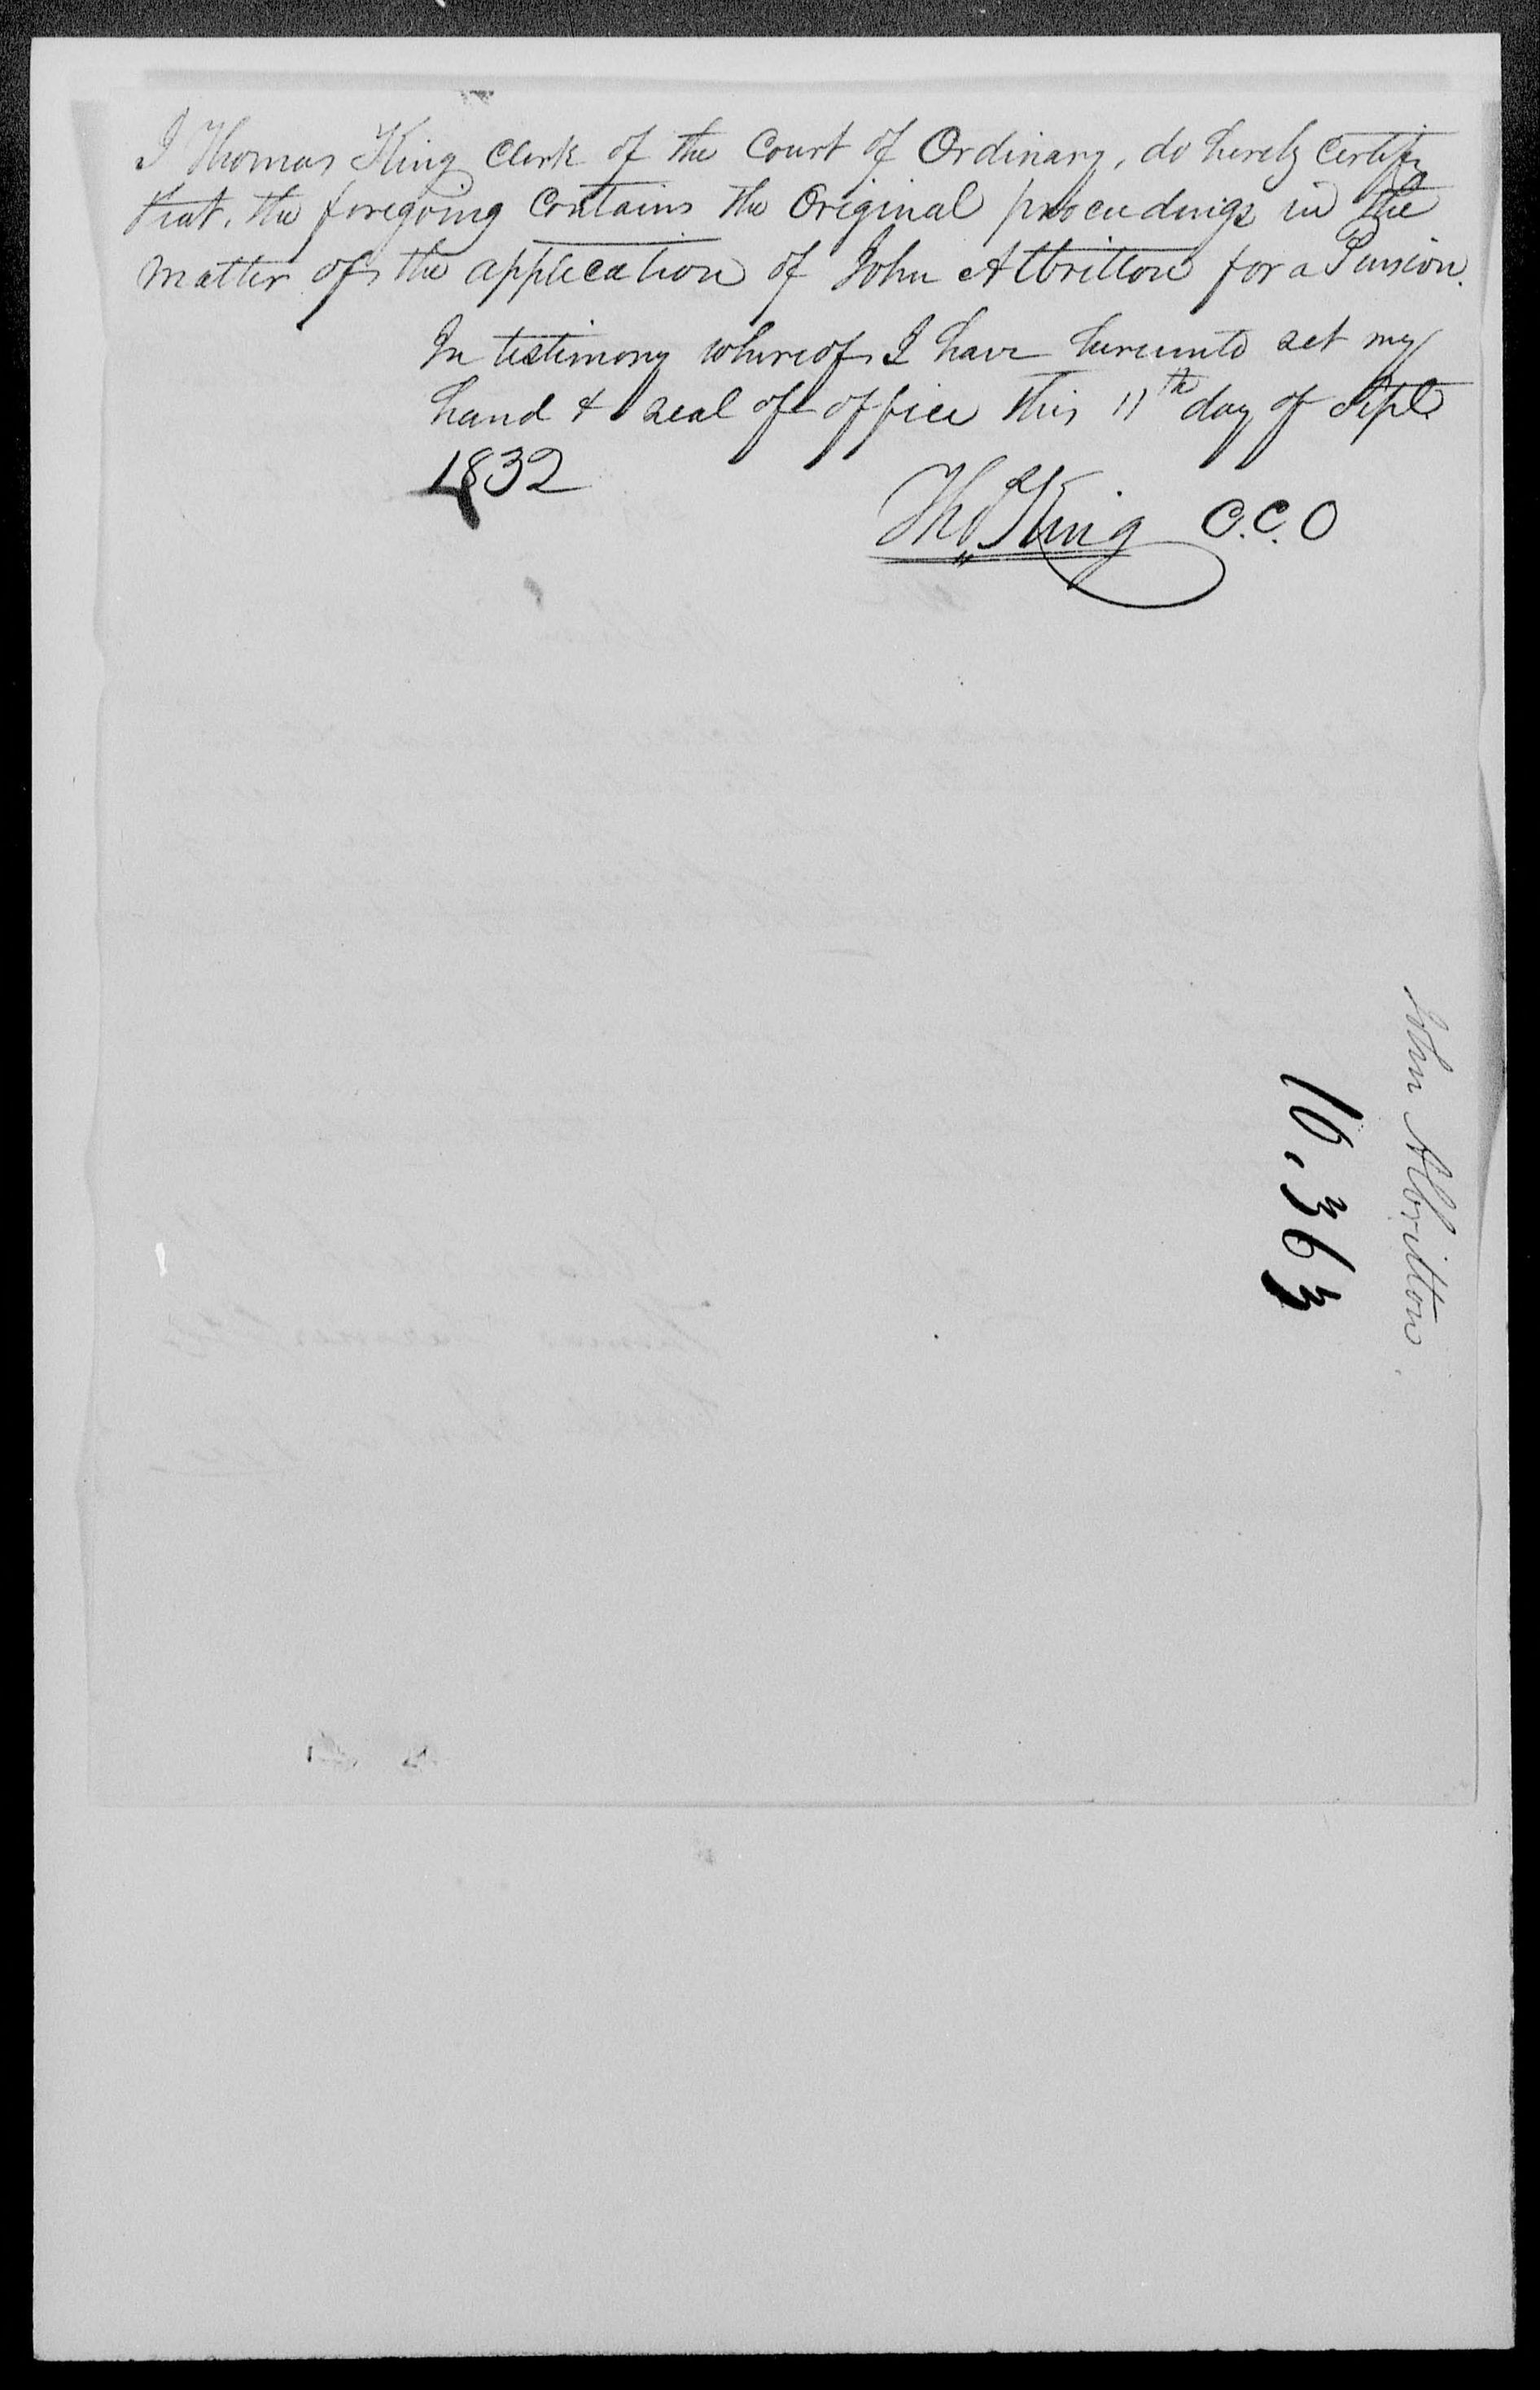I Thomas King Clerk of the Court of Ordinary, do hereby certify that the foregoing contains the original proceeding in the matter of the application of John Albritton for a Pension.
In testimony whereof I have hereunto set my hand & seal of office this 11th day of Sept 1832
Thos King C. C. O.
John Albritton 10.363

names: Thos King, Thomas King, John Albritton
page: 7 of 22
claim: survivor's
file: S. 31,517, John Allbritton, S.C.